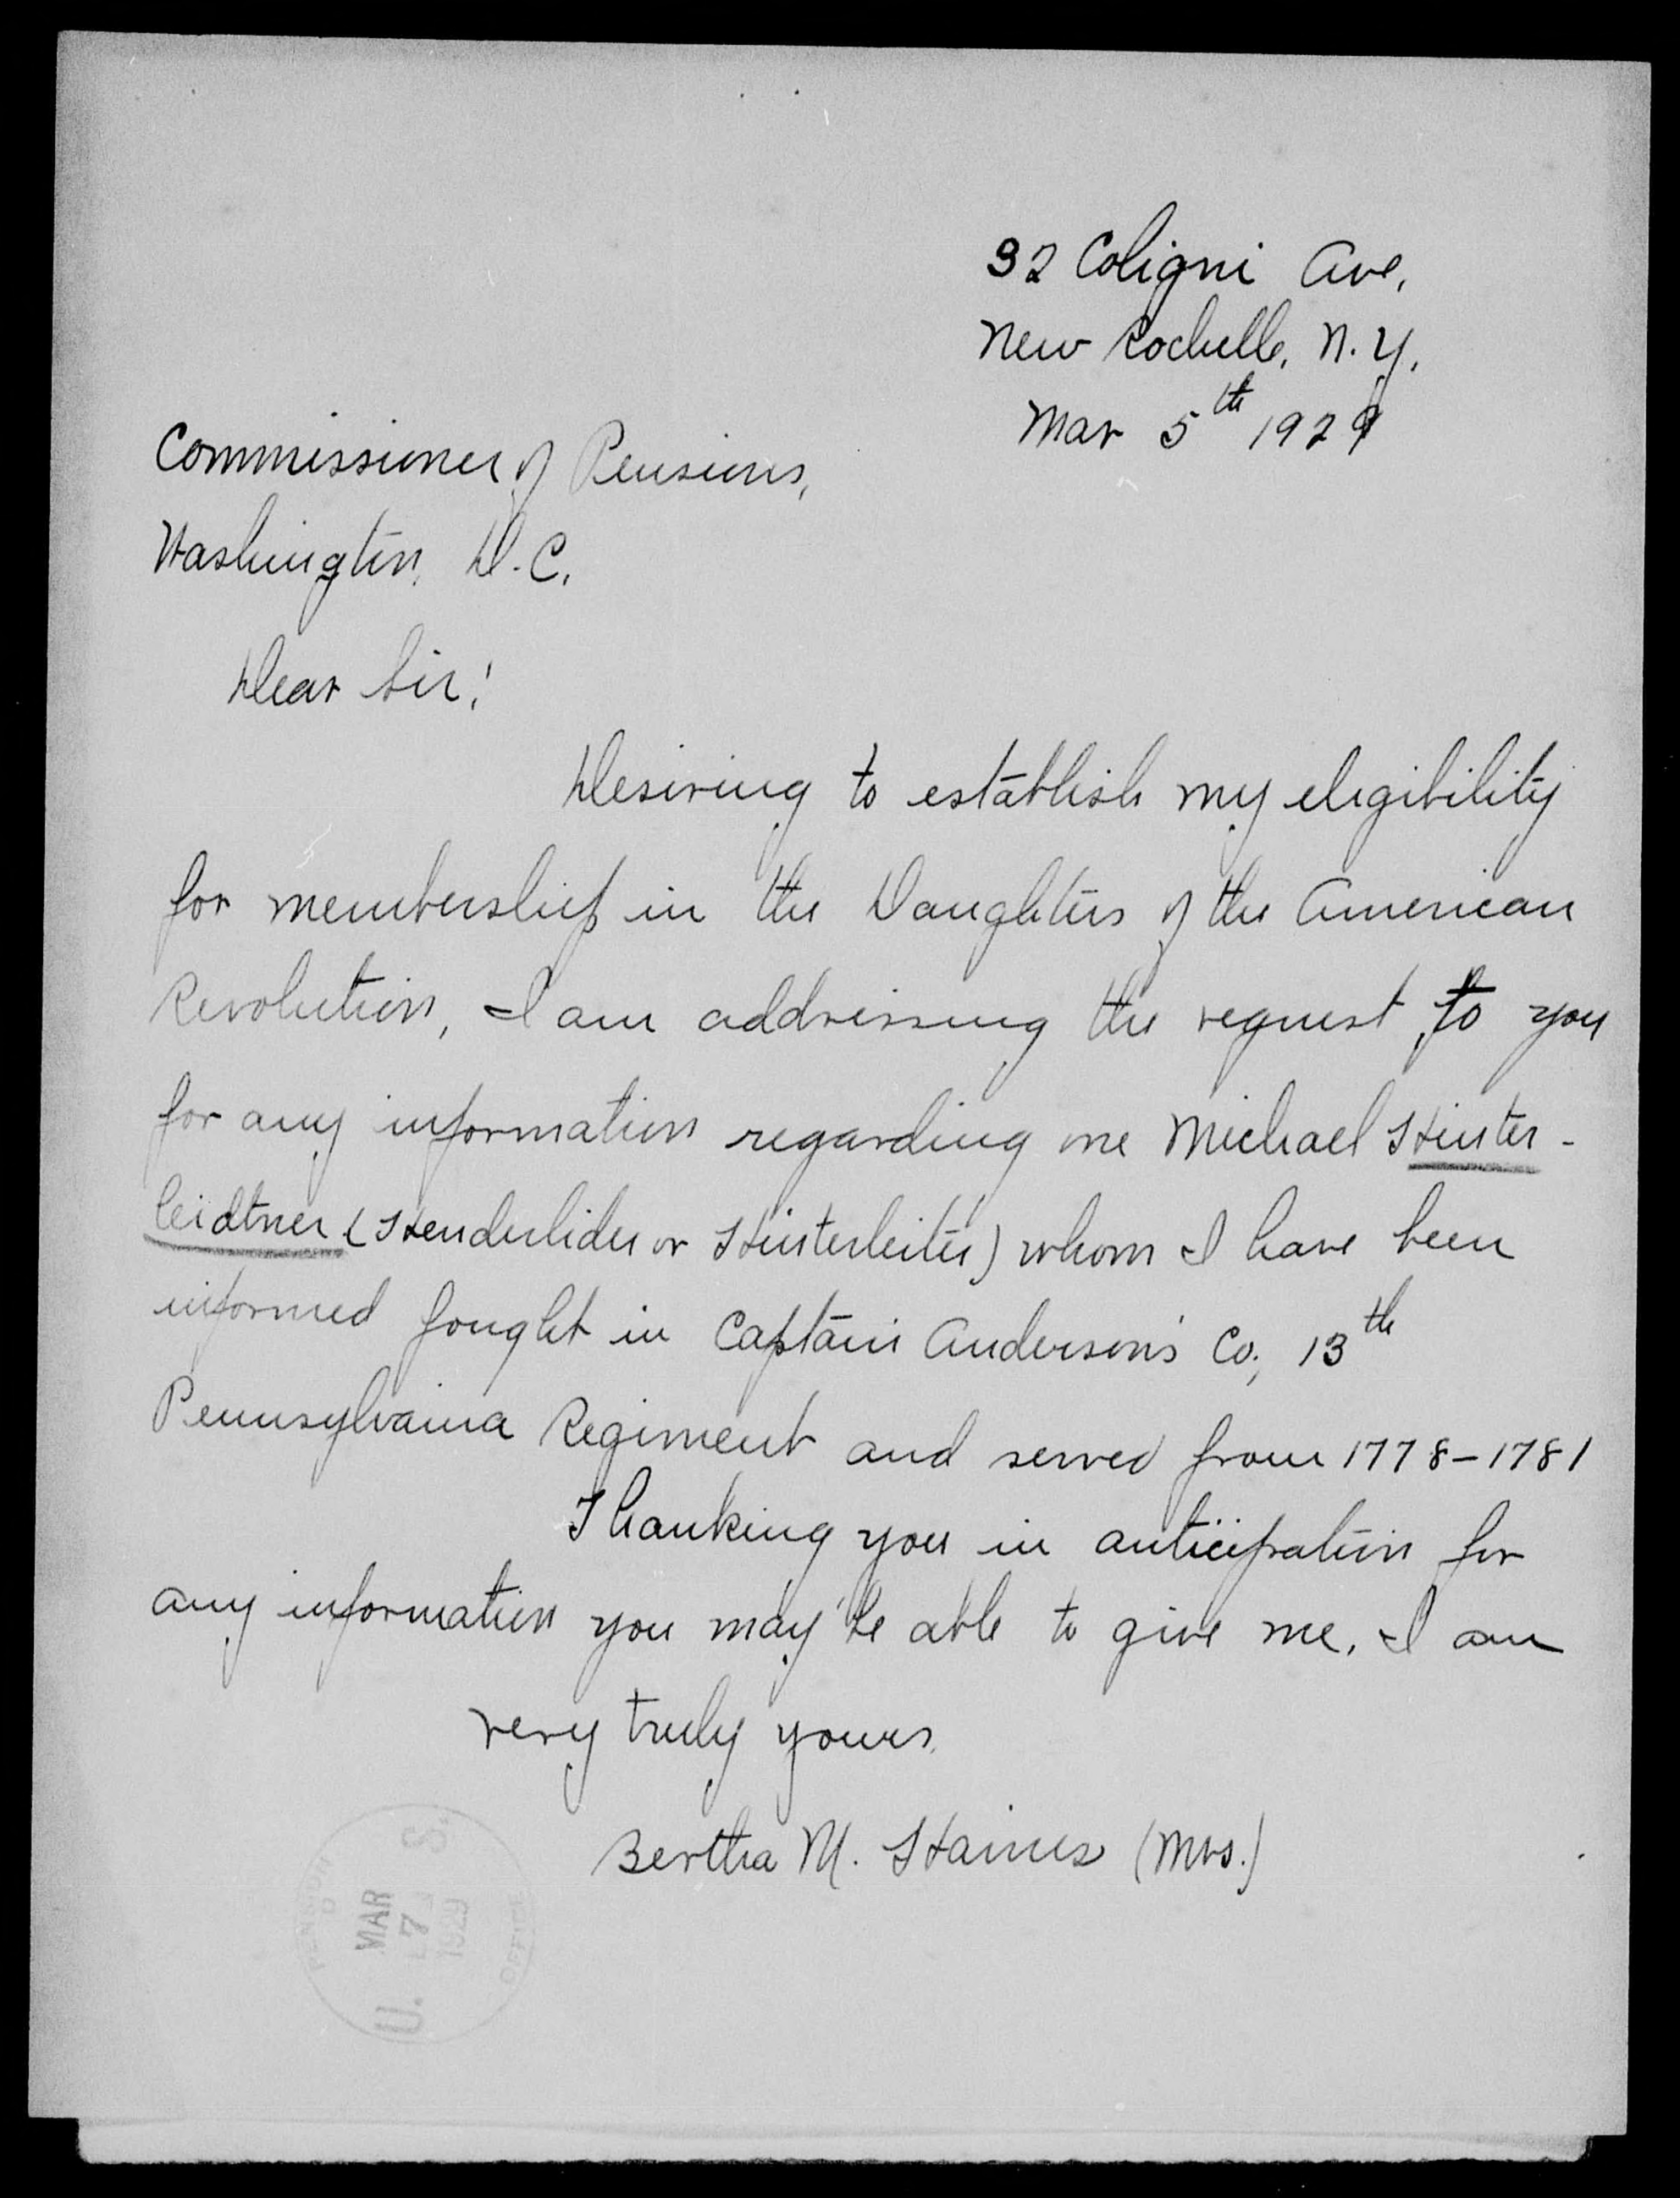32 Coligni Ave
New Rochelle, NY
Mar 5th, 1929

Commissioner of Pensions,
Washington DC

Dear sir:
Desiring to establish my eligibility for membership in the Daughters of American Revolution, I am addressing the request to you for any information regarding Mr. Michael Hinterleidtner (Hinderlider or Hinterleiter) whom I have been informed fought in Captain Anderson’s Co., 13th Pennsylvania Regiment and served from 1778-1781.

Thanking you in anticipation for any information you may be able to give me, I am very truly yours.
Bertha M. Haines (Mrs.)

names: Michael Henderlider, Michael Hinterleidtner, Bertha M Haines, Michael Hinterleiter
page: 12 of 15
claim: survivor's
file: S. 38016, Michael Henderliter, Penn.